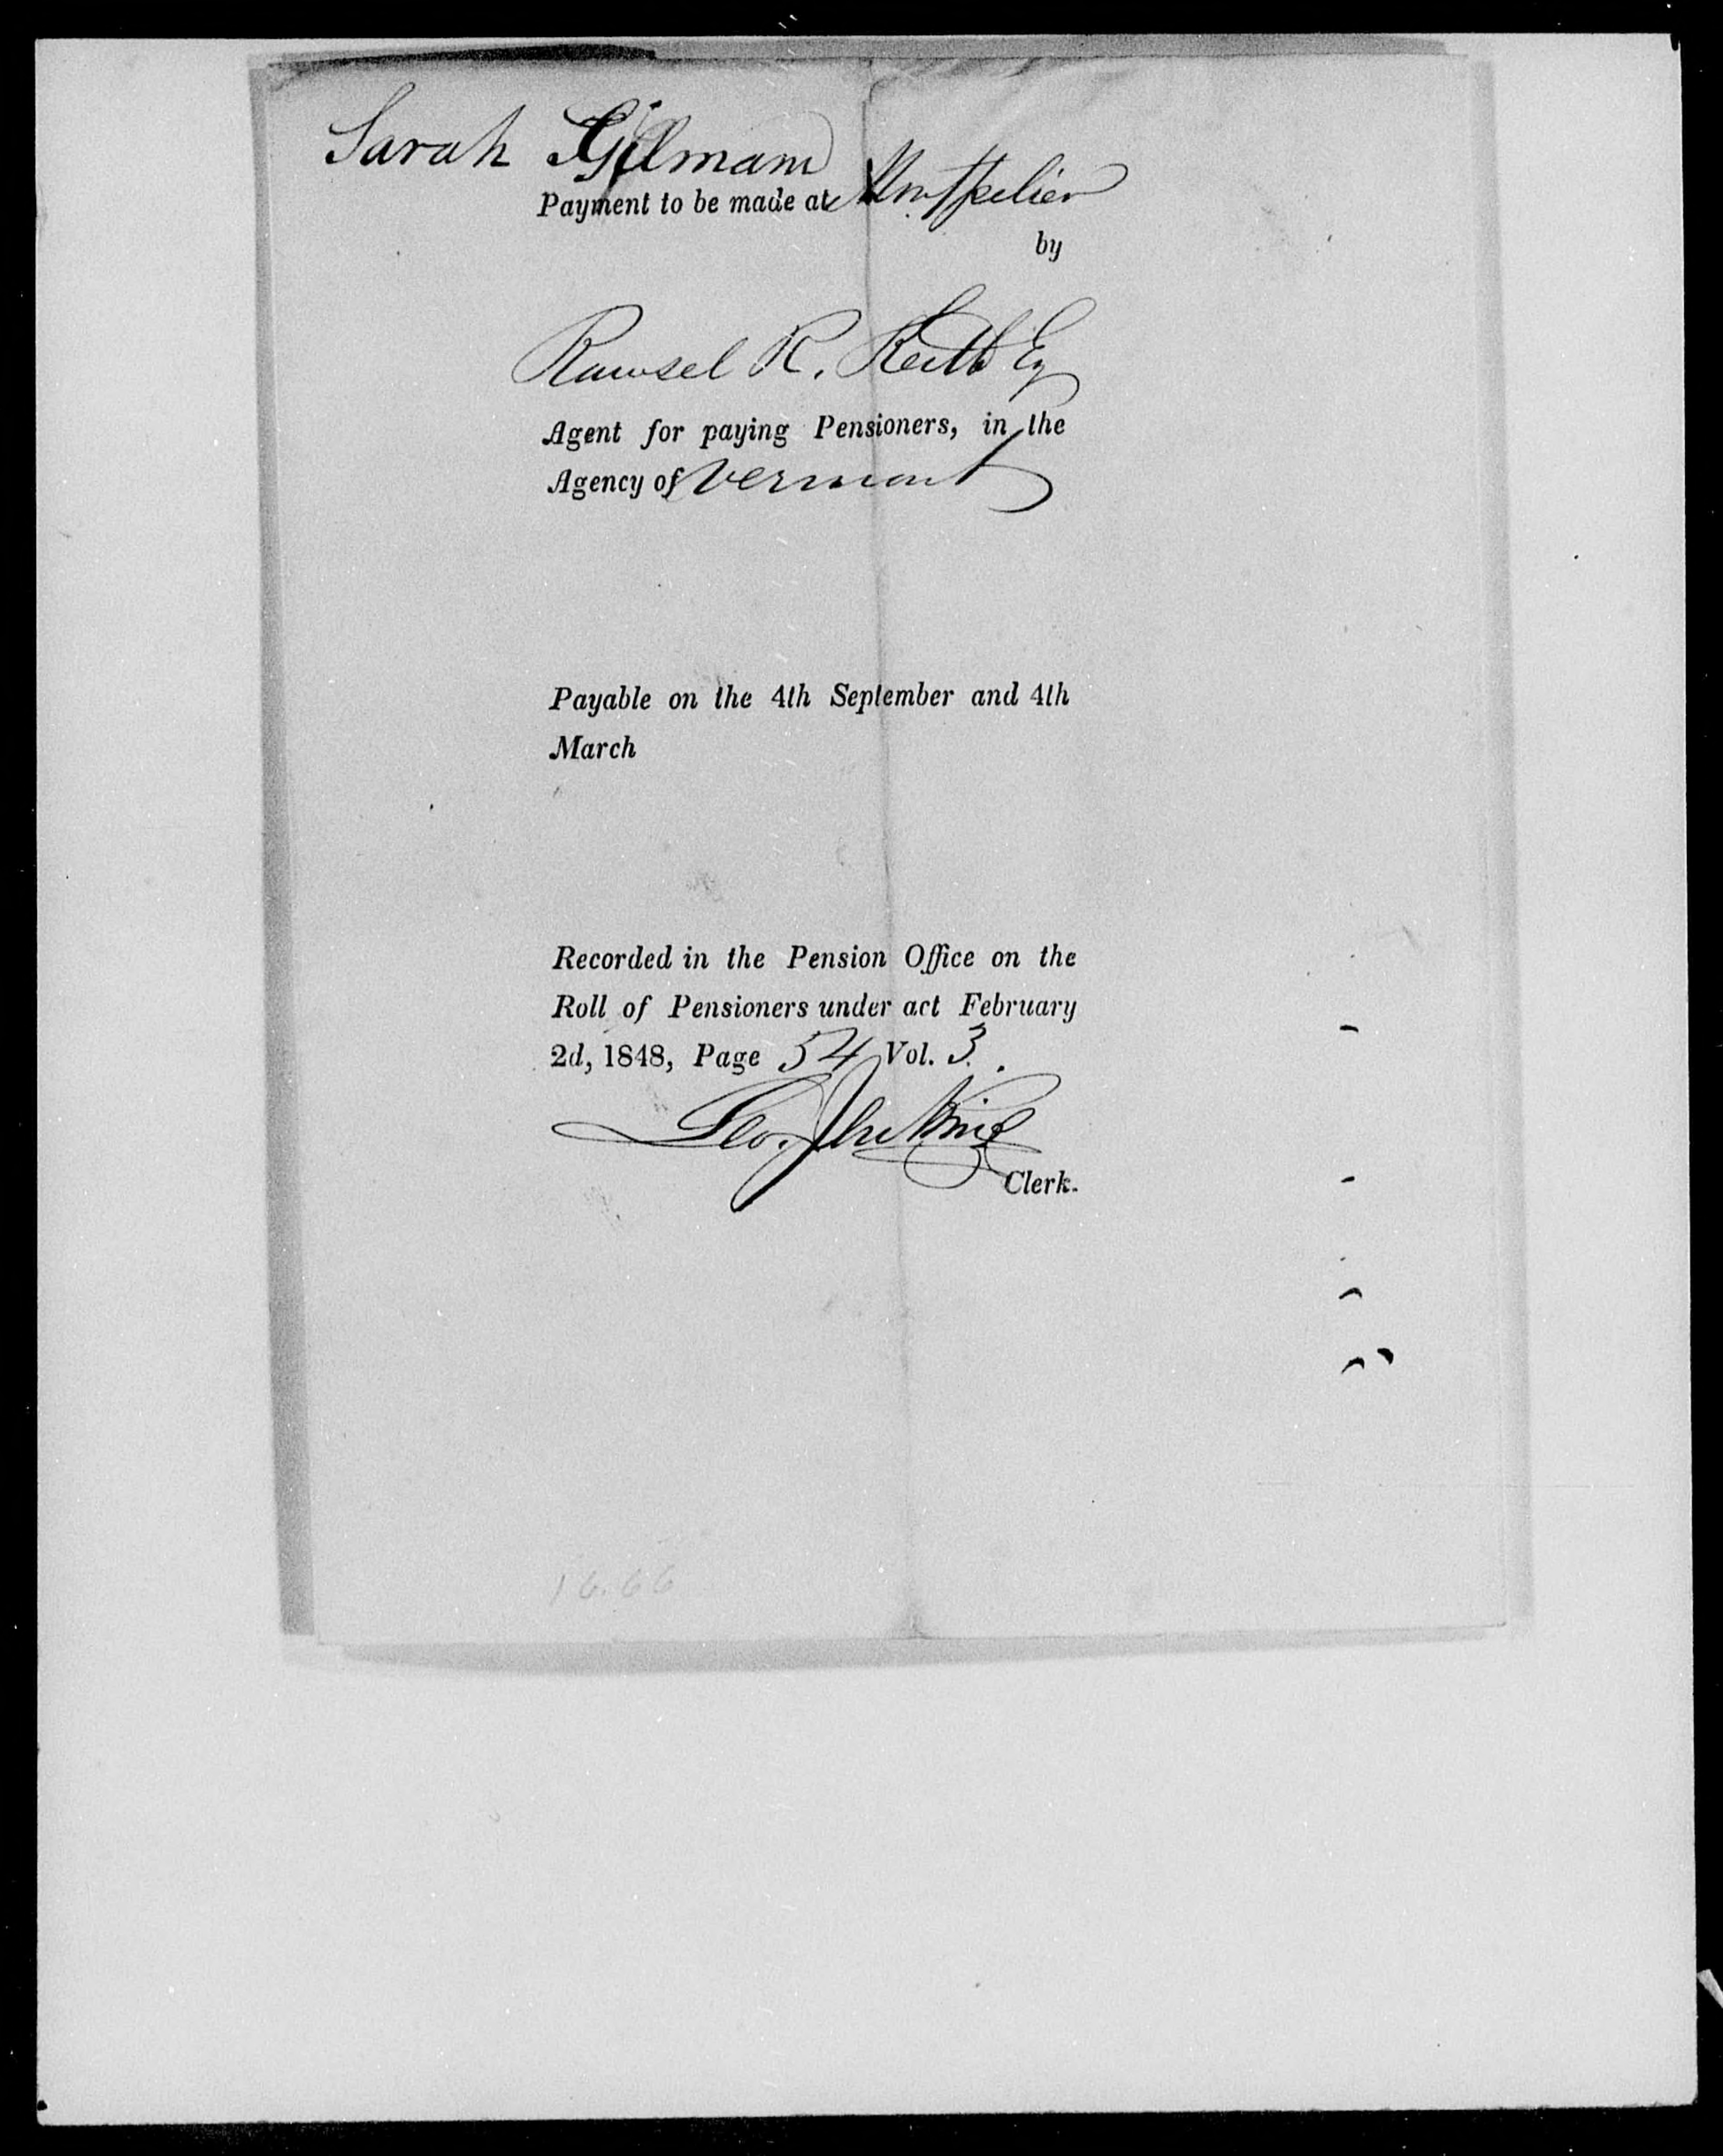[printed form filled in by hand]

Sarah Gilman
Payment to be made at Montpelier 
by
Rawsel R. Keigh Esq
Agent for paying Pensioners in the 
Agency of Vermont

Payable on the 4th September and 4th March

Recorded in the Pension Office on the
Roll of Pensioners under act February 
2d, 1848, Page 54 Vol. 3
Leo Jenkins Clerk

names: Sarah Gilman, Rawsel R Keith, Leo Jenkins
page: 47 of 61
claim: widow's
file: W. 19500, Samuel Thing Gilman, Continental N.H.